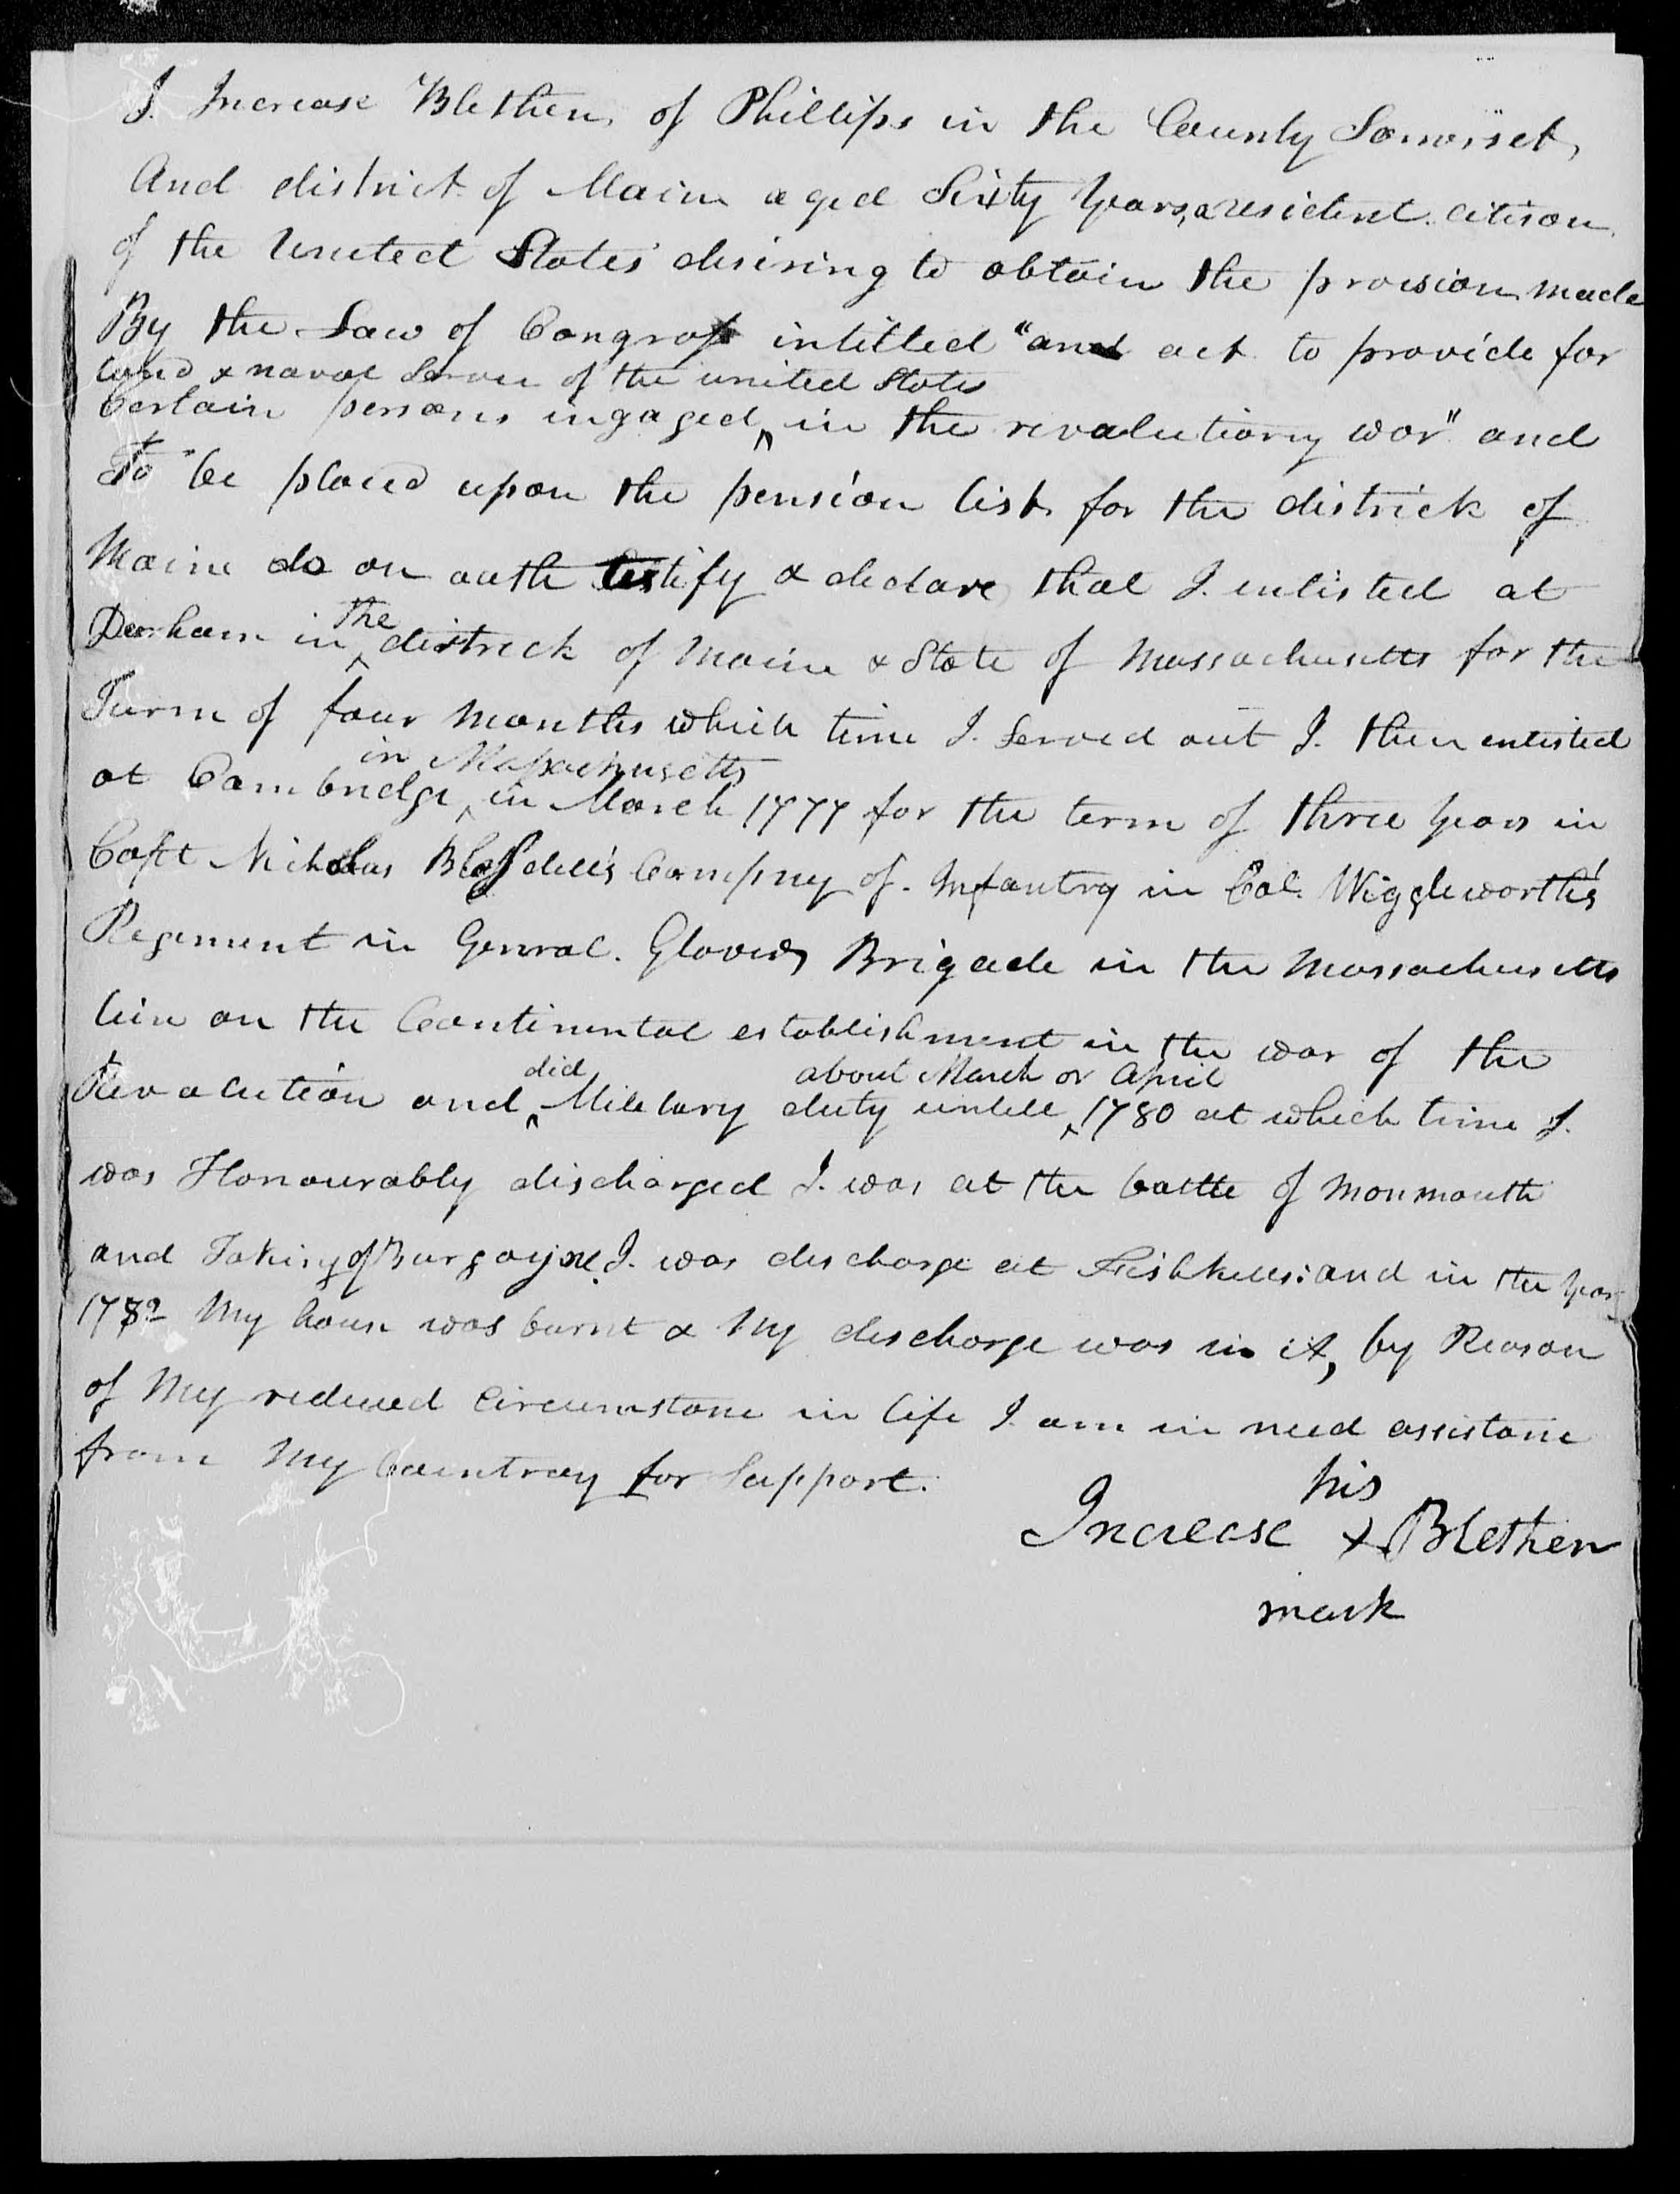I Increase Blethen of Phillips in the County of Somerset,
and district of Maine aged Sixty years, a resident citison
of the United States desiring to obtain the provision made
By the Law of Congress intitled "and act to provide for
[illegible] & naval Service of the united States
Certain persons ingaged in the revolutionary war" and
To be placed upon the pension list for the districk of
Maine do on oath testify & declare that I enlisted at
Dearborn in the districk of Maine & State of Massachusetts for the
Term of four months which time I served out I then enlisted
at Cambridge in Massachusetts in March 1777 for the term of three years in
Capt. [illegible] [illegible] company of Infantry in Col. Wiggleworth's
Regement in Genral. Gloved Brigade in the Massachusetts
line on the Continental establishment in the war of the
Revalution and did Military duty until about March or Aril 1780 at which time I
was Honorably discharged I was at the battle of Monmouth
and Taking of Burgoyne. I was discharge at Fishmills: and in the year
1782 My house was burnt & My discharge was in it, by Reason
of My reduced circumstance in life I am in need assistance
from My country for support
Increase   his X  Blethen
mark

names: Increase Blethen, Increase Blethen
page: 4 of 39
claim: widow's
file: W. 23,621, Increase Blethen, Mass.